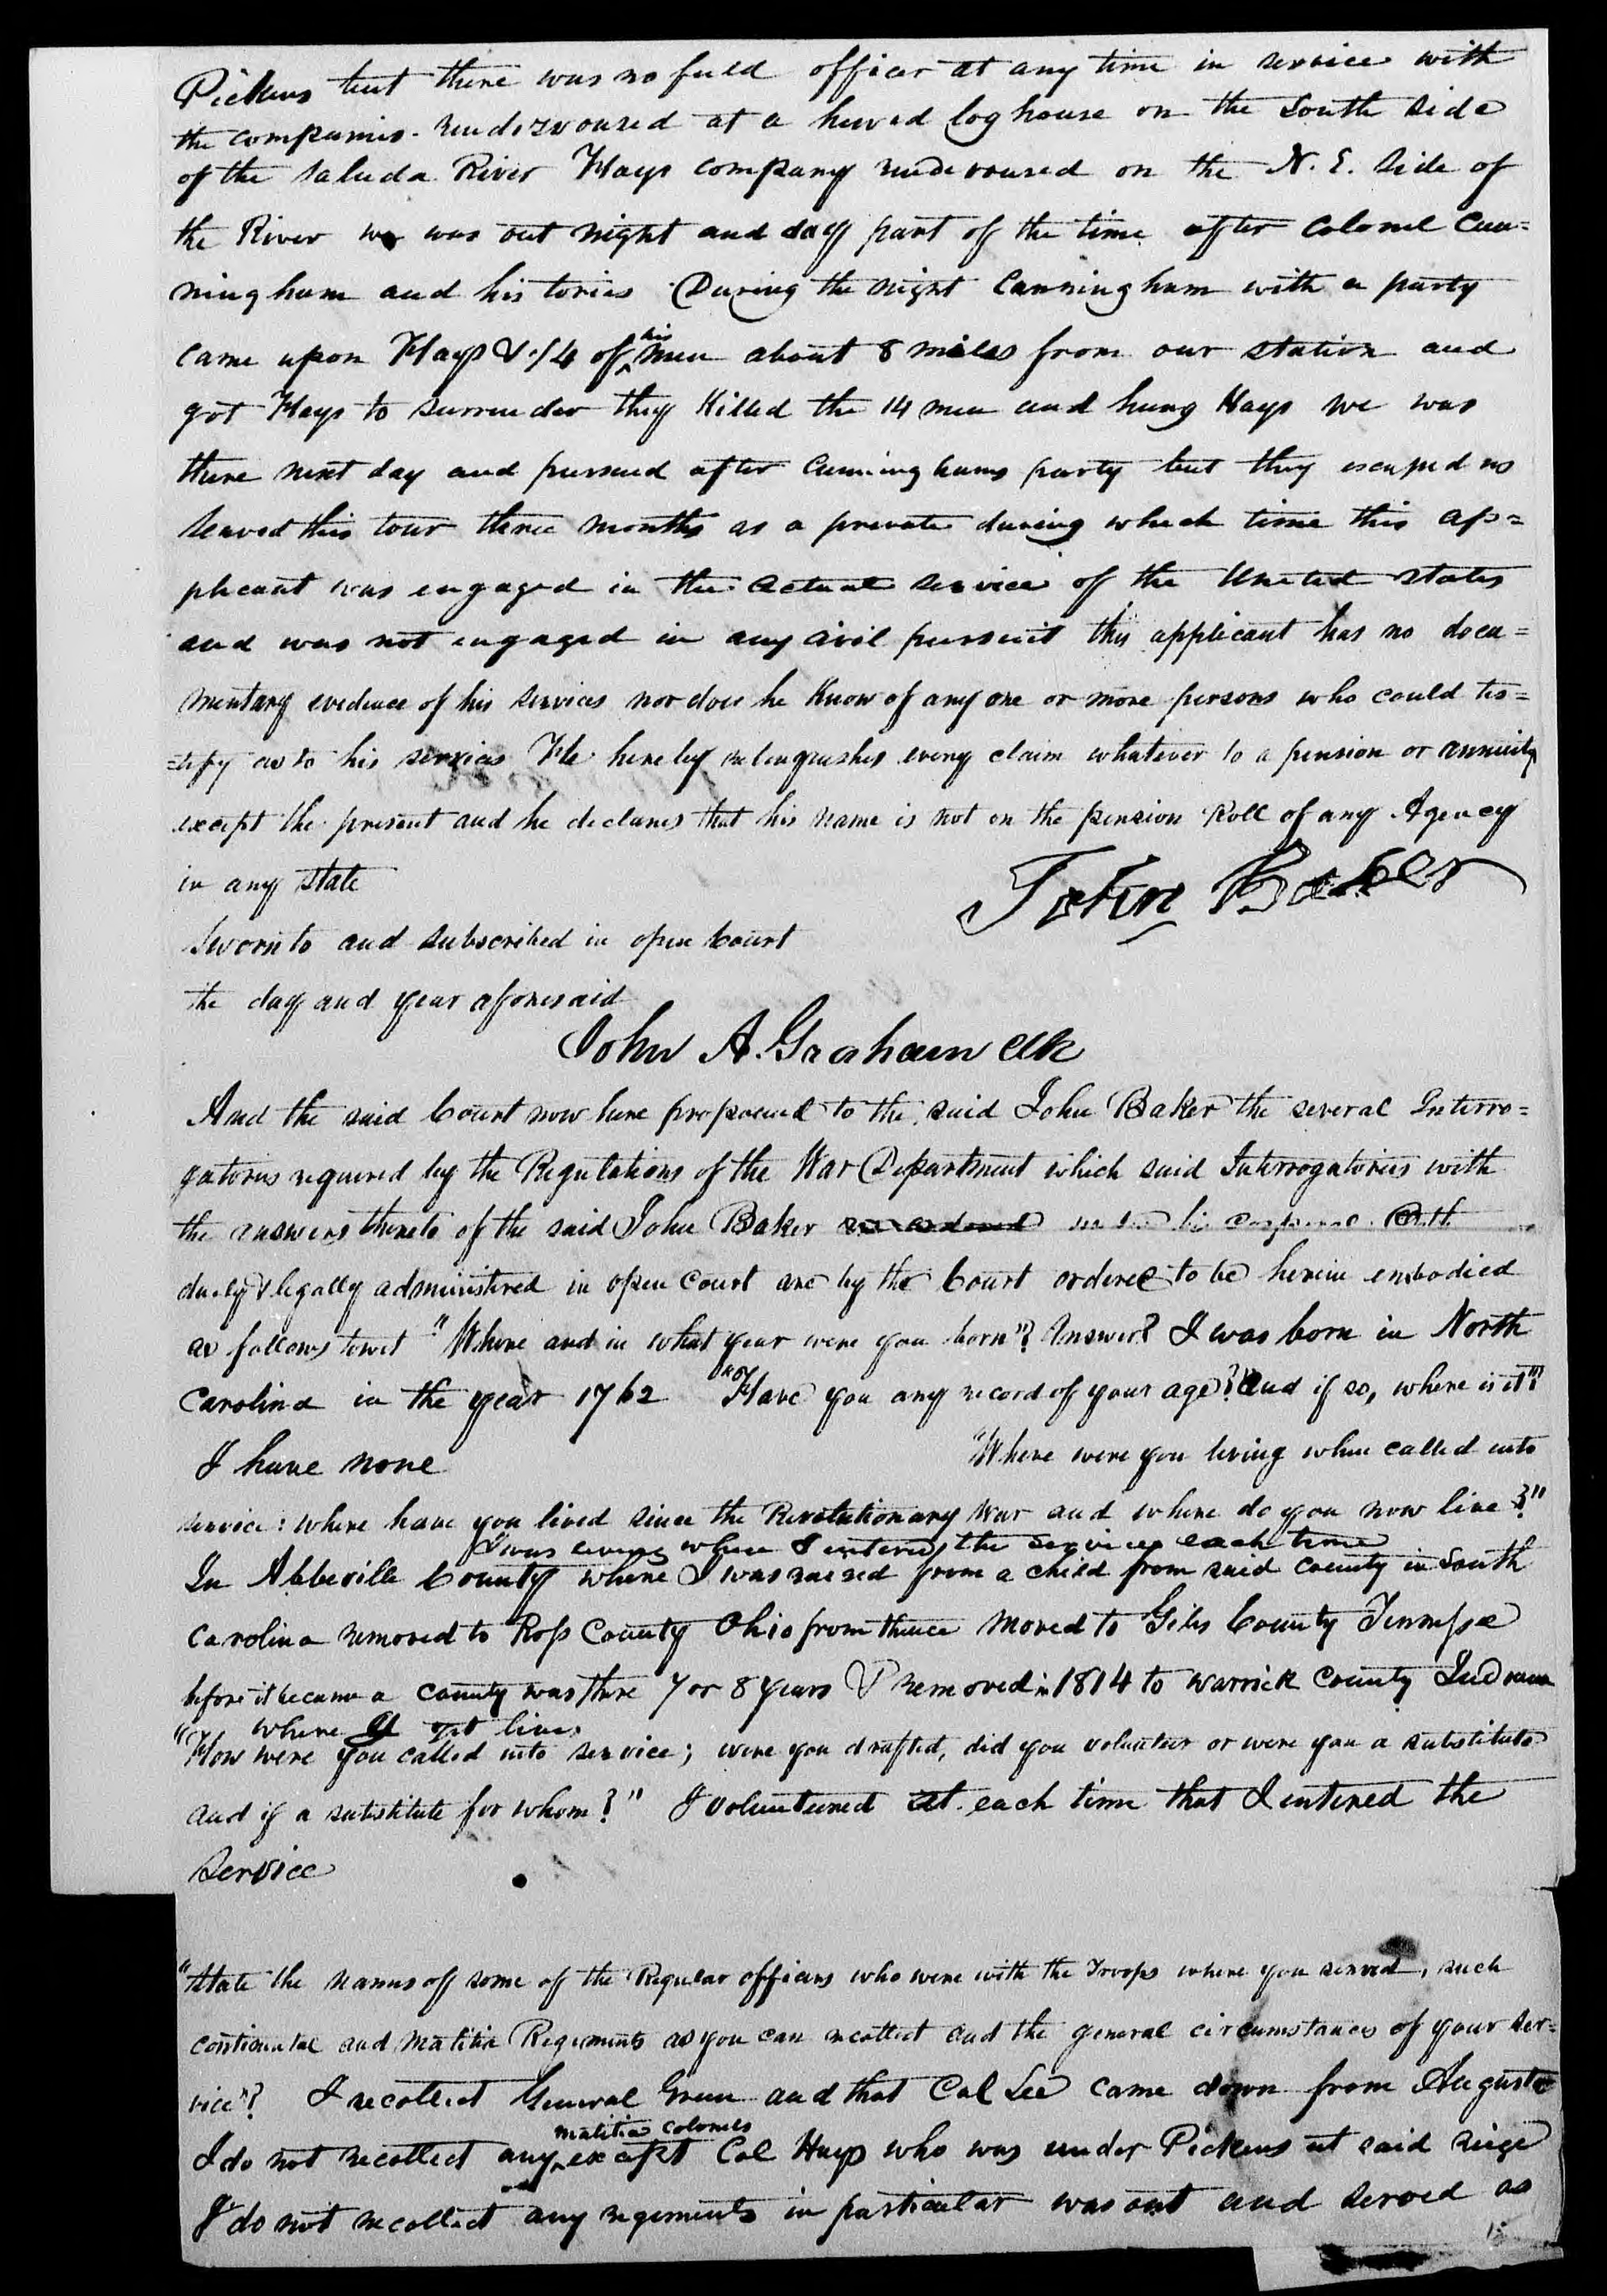Pickens but there was no field officer at any time in service with the companies rendezvoused at a hewed log house on the South side of the Saluda River Hays Company rendezvoused on the N.E. side of the River we was out night and day part of the time after Colonel Cunningham and his tories During the night Cunningham with a party came upon Hays & 14 of his men about 8 miles from our station and got Hays to surrender they killed the 14 men and hung Hays we was there next day and pursued after Cunninghams party but they escaped us served this tour three months as a private during which time this applicant was engaged in the actual service of the United States and was not engaged in any civil pursuit this applicant has no documentary evidence of his services nor does he know of any one or more persons who could testify as to his services. He hereby relinquishes every claim whatever to a pension or annuity except the present and he declares that his name is not on the pension Roll of any Agency in any State
John Baker
Sworn to and subscribed in open Court the day and year aforesaid
John A. Graham Clk

And the said Court now here proposed to the said John Baker the several Interrogatories required by the Regulations of the War Department which said Interrogatories with the answers thereto of the said John Baker under his [illegible] Oath duly & legally administered in open Court and by the Court ordered to be herein embodied as follows to wit
"Where and in what year were you born?" Answer I was born in North Carolina in the year 1762
"Have you any record of your age and if so, where is it?" I have none
"Where were you living when called into service; where have you lived since the Revolutionary war and where do you now live?" I was living when I entered the service each time In Abbeville County where I was raised from a child from said County in South Carolina removed to Ross County Ohio from thence moved to Giles County Tennessee before it became a County was there 7 or 8 years & removed in 1814 to Warrick County Indiana where & yet live
"How were you called into service, were you drafted, did you volunteer or were you a substitute and if a substitute for whom?" I volunteered at each time that I entered the Service
"State the names of some of the Regular officers who were with the Troops where you served, such continental and Malitia Regiments as you can recollect and the general circumstances of your service? I recollect General Green and that Col Lee came down from Augusta I do not recollect any Malitia Colonels except Col Hays who was under Pickens at said Siege I do not recollect any regiments in particular was out and served as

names: John Baker, John Baker, Lee, Pickens, Hays, Green, Hays, John Baker, Hays, Hays, Cunningham, John A Graham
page: 5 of 27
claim: rejected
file: R. 406, John Baker, S.C.